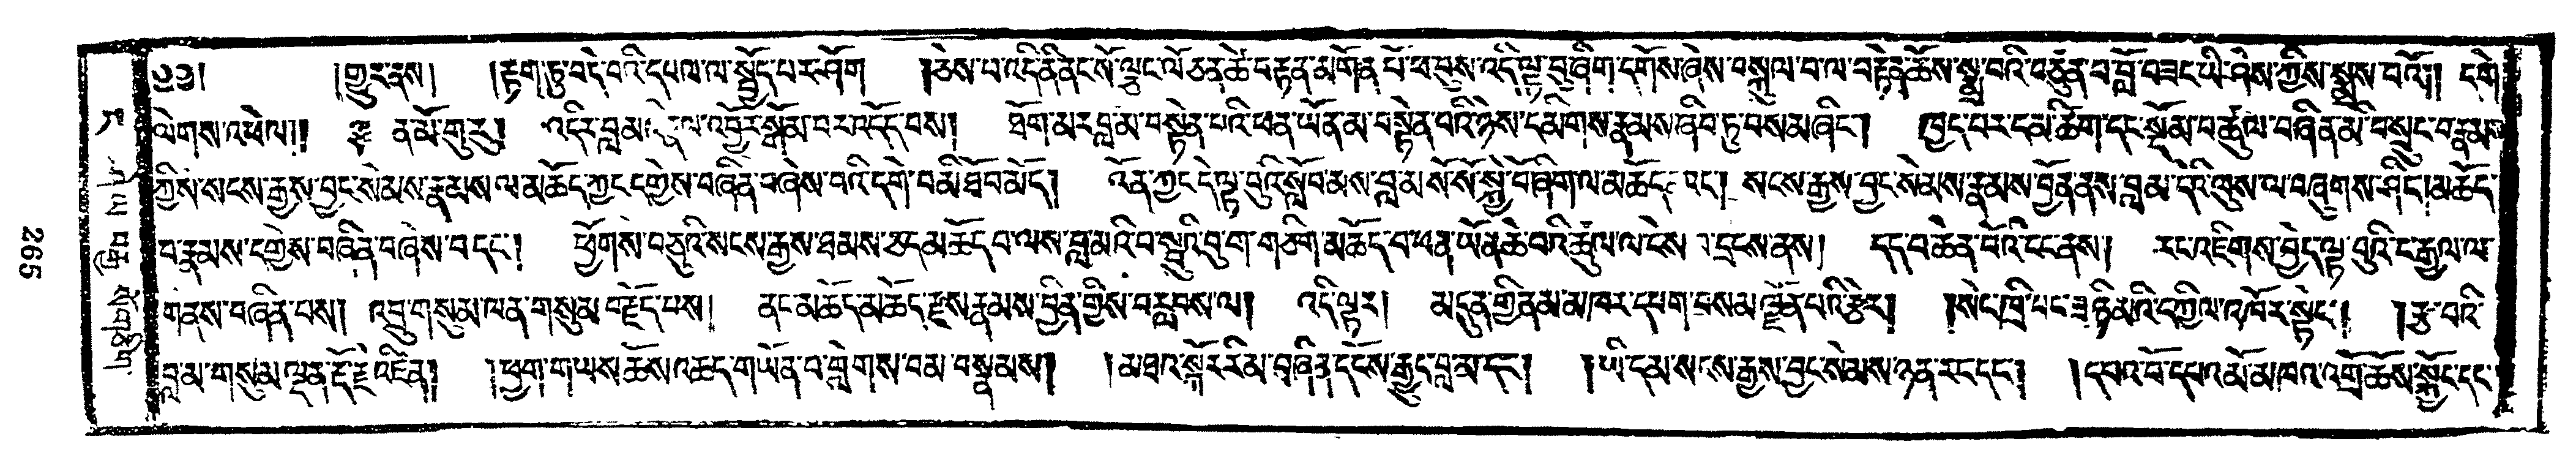༄༅། །གྱུར་ནས། །རྟག་ཏུ་བདེ་བའི་དཔལ་ལ་སྤྱོད་པར་ཤོག །ཅེས་པ་འདི་ནི་ནང་སོ་ལྕང་ལོ་ཅན་ཚེ་བརྟན་མགོན་པོ་ཕ་བུས་འདི་ལྟ་བུ་ཞིག་དགོས་ཞེས་བསྐུལ་བ་ལ་བརྟེན་ཆོས་སྨྲ་བའི་བཙུན་པ་བློ་བཟང་ཡེ་ཤེས་ཀྱིས་སྨྲས་པའོ། དགེ་
ལེགས་འཕེལ།། ༈ ན་མོ་གུ་རུ། འདིར་བླ་མའི་རྣལ་འབྱོར་སྒོམ་པར་འདོད་པས། ཐོག་མར་བླ་མ་བསྟེན་པའི་ཕན་ཡོན་མ་བསྟེན་པའི་ཉེས་དམིགས་རྣམས་ཞིབ་ཏུ་བསམ་ཞིང་། ཁྱད་པར་དམ་ཚིག་དང་སྡོམ་པ་ཚུལ་བཞིན་མི་བསྲུང་བ་རྣམས་
ཀྱིས་སངས་རྒྱས་བྱང་སེམས་རྣམས་ལ་མཆོད་ཀྱང་དགྱེས་བཞིན་བཞེས་པའི་དགེ་བ་མི་ཐོབ་མོད། འོན་ཀྱང་དེ་ལྟ་བུའི་སློབ་མས་བླ་མ་སོ་སོ་སྐྱེ་བོ་ཞིག་ལ་མཆོད་པའང་། སངས་རྒྱས་བྱང་སེམས་རྣམས་བྱོན་ནས་བླ་མ་དེའི་ལུས་ལ་བཞུགས་ཤིང་། མཆོད་
པ་རྣམས་དགྱེས་བཞིན་བཞེས་པ་དང་། ཕྱོགས་བཅུའི་སངས་རྒྱས་ཐམས་ཅད་མཆོད་པ་ལས་བླ་མའི་བ་སྦུའི་བུ་ག་གཅིག་མཆོད་པ་ཕན་ཡོན་ཆེ་བའི་ཚུལ་ལ་ངེས་པ་དྲངས་ནས། དད་པ་ཆེན་པོའི་ངང་ནས། རང་འཇིགས་བྱེད་ལྟ་བུའི་ང་རྒྱལ་ལ་
གནས་བཞིན་པས། འབྲུ་གསུམ་ལན་གསུམ་བརྗོད་པས། ནང་མཆོད་མཆོད་རྫས་རྣམས་བྱིན་གྱིས་བརླབས་ལ། འདི་ལྟར། མདུན་གྱི་ནམ་མཁར་དཔག་བསམ་ལྗོན་པའི་རྩེར། །སེང་ཁྲི་པང་ཟ་ཉི་མའི་དཀྱིལ་འཁོར་སྟེང་། །རྩ་བའི་
བླ་མ་གསུམ་ལྡན་རྡོ་རྗེ་འཛིན། །ཕྱག་གཡས་ཆོས་འཆད་གཡོན་བ་གླེགས་བམ་བསྣམས། །མཐའ་སྐོར་རིམ་བཞིན་དངོས་རྒྱུད་བླ་མ་དང་། །ཡི་དམ་སངས་རྒྱས་བྱང་སེམས་ཉན་རང་དང་། །དཔའ་བོ་དཔའ་མོ་མཁའ་འགྲོ་ཆོས་སྐྱོང་དང་